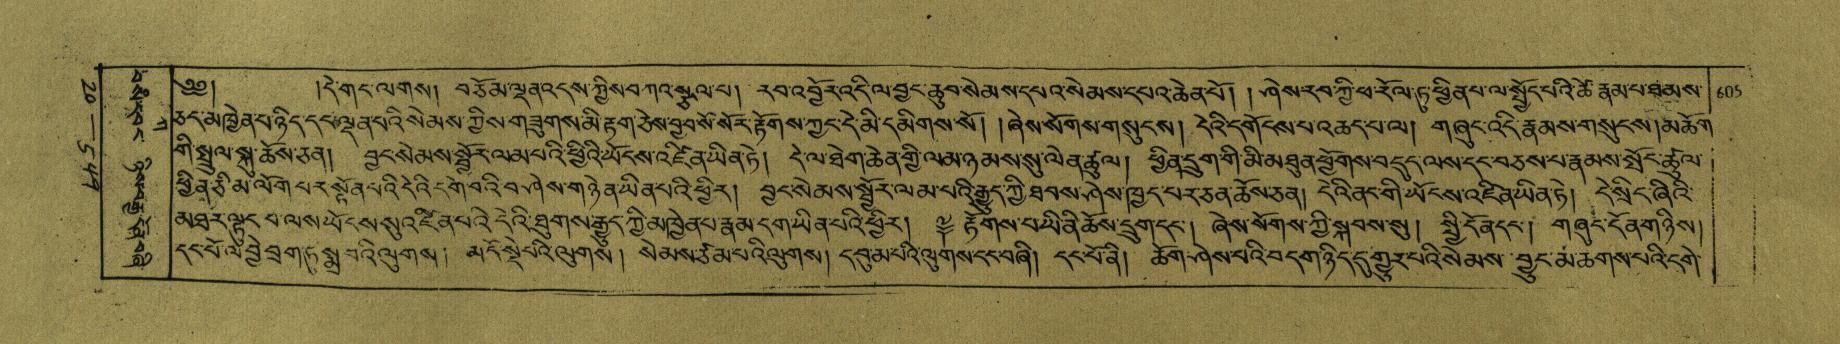༄༅། །དེ་གང་ལགས། བཅོམ་ལྡན་འདས་ཀྱིས་བཀའ་སྩལ་པ། རབ་འབྱོར་འདི་ལ་བྱང་ཆུབ་སེམས་དཔའ་སེམས་དཔའ་ཆེན་པོ། །ཤེས་རབ་ཀྱི་ཕ་རོལ་ཏུ་ཕྱིན་པ་ལ་སྤྱོད་པའི་ཚེ་རྣམ་པ་ཐམས་
ཅད་མཁྱེན་པ་ཉིད་དང་ལྡན་པའི་སེམས་ཀྱིས་གཟུགས་མི་རྟག་ཅེས་བྱ་བ་སོ་སོར་རྟོགས་ཀྱང་དེ་མི་དམིགས་སོ། །ཞེས་སོགས་གསུངས། དེའི་དགོངས་པ་འཆད་པ་ལ། གཞུང་འདི་རྣམས་གསུངས། མཆོག་
གི་སྤྲུལ་སྐུ་ཆོས་ཅན། བྱང་སེམས་སྦྱོར་ལམ་པའི་ཕྱིའི་ཡོངས་འཛིན་ཡིན་ཏེ། དེ་ལ་ཐེག་ཆེན་གྱི་ལམ་ཉམས་སུ་ལེན་ཚུལ། ཕྱིན་དྲུག་གི་མི་མཐུན་ཕྱོགས་བདུད་ལས་དང་བཅས་པ་རྣམས་སྤོང་ཚུལ་
ཕྱིན་ཅི་མ་ལོག་པར་སྟོན་པའི་དེའི་དགེ་བའི་བཤེས་གཉེན་ཡིན་པའི་ཕྱིར། བྱང་སེམས་སྦྱོར་ལམ་པའི་རྒྱུད་ཀྱི་ཐབས་ཤེས་ཁྱད་པར་ཅན་ཆོས་ཅན། དེའི་ནང་གི་ཡོངས་འཛིན་ཡིན་ཏེ། དེ་སྲིད་ཞིའི་
མཐར་ལྟུང་བ་ལས་ཡོངས་སུ་འཛིན་པའི་དེའི་ཐུགས་རྒྱུད་ཀྱི་མཁྱེན་པ་རྣམ་དག་ཡིན་པའི་ཕྱིར། ༈ རྟོགས་པ་ཡི་ནི་ཆོས་དྲུག་དང་། ཞེས་སོགས་ཀྱི་སྐབས་སུ། སྤྱི་དོན་དང་། གཞུང་དོན་གཉིས།
དང་པོ་ལ་བྱེ་བྲག་ཏུ་སྨྲ་བའི་ལུགས། མདོ་སྡེ་པའི་ལུགས། སེམས་ཙམ་པའི་ལུགས། དབུ་མ་པའི་ལུགས་དང་བཞི། དང་པོ་ནི། ཆོག་ཤེས་པའི་བདག་ཉིད་དུ་གྱུར་པའི་སེམས་བྱུང་མ་ཆགས་པའི་དགེ་